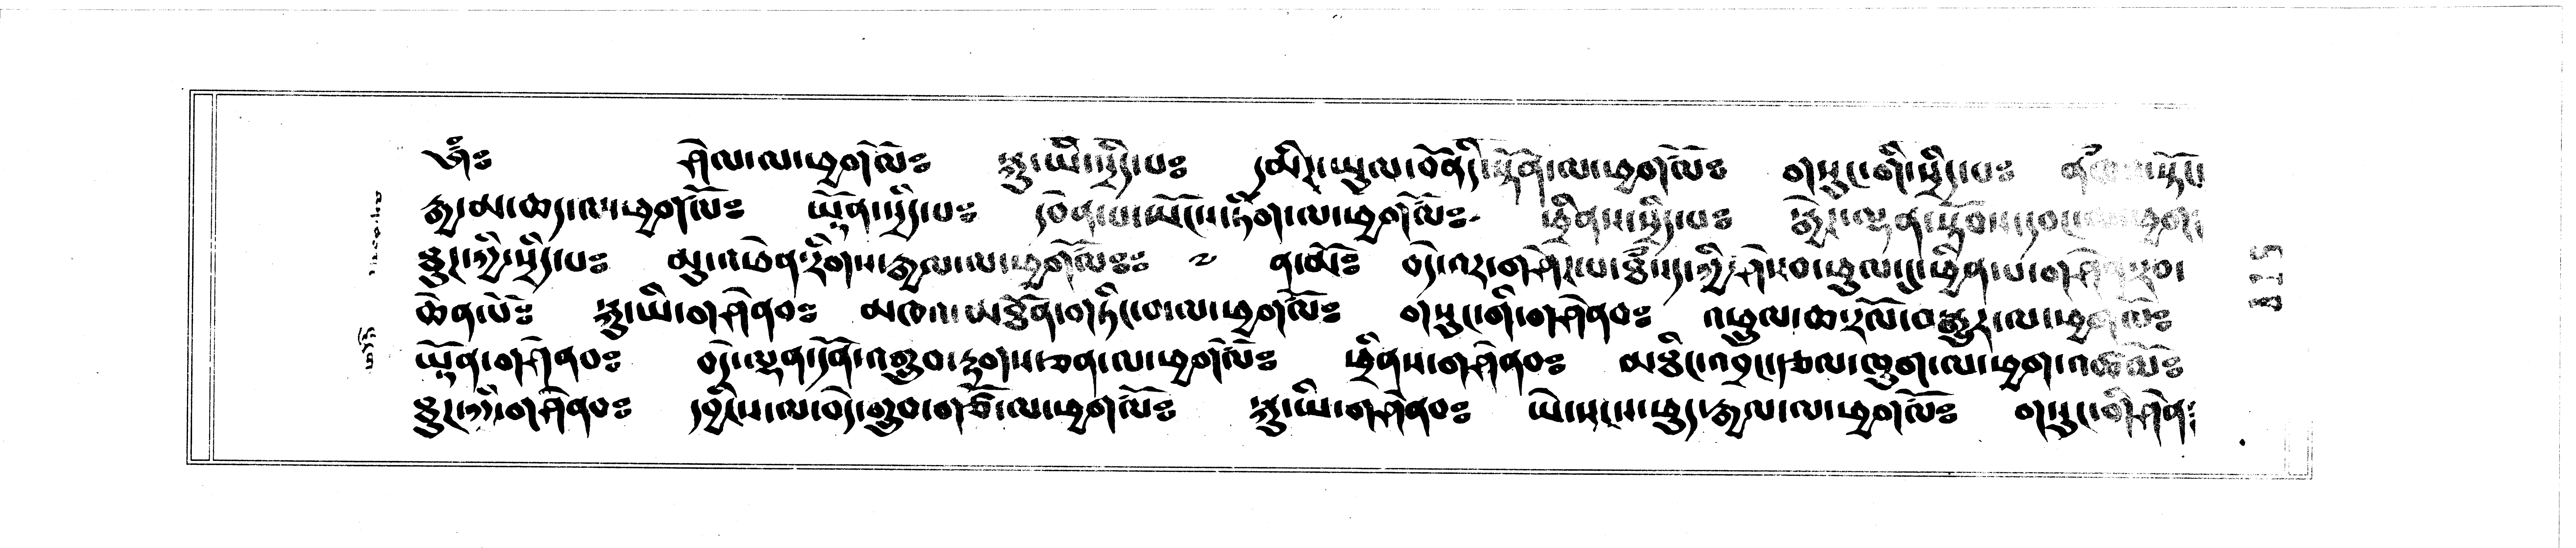ཤེས་ལ་ཕྱག་འཚལ་ལོཿ སྐུ་ཡི་སྲིད་པཿ དམིགས་ཡུལ་བོན་ཉིད་སྟོན་ལ་ཕྱག་འཚལ་ལོཿ གསུང་གི་སྲིད་པཿ ནམ་མཁའ་སྟོང་
རྒྱ་མ་ཆད་ལ་ཕྱག་འཚལ་ལོཿ ཡོན་ཏན་གྱི་སྲིད་པཿ དབེན་པ་ཡོངས་ཏིག་ལ་ཕྱག་འཚལ་ལོཿ ཕྲིན་ལས་ཀྱི་སྲིད་པཿ སྒྱེགས་ལྡན་སྟོབས་དབང་ལ་ཕྱག་འཚལ་ལོཿ 
ཐུགས་ཀྱི་སྲིད་པཿ མུ་འཕེན་རིགས་རྒྱལ་ལ་ཕྱག་འཚལ་ལོཿ ན་མོ་བདེ་བར་གཤེགས་པ་ཐམས་ཅད་ཀྱི་ཤེས་རབ་ཕུལ་ཏུ་ཕྱིན་པའི་གཤེན་རབ་
ཆེན་པོཿ སྐུ་ཡི་གཤེན་རབཿ མཁའ་མཐོན་གཏིང་བ་ལ་ཕྱག་འཚལ་ལོཿ གསུང་གི་གཤེན་རབཿ འཕྲུལ་ཆ་རོལ་བསྒྱུར་ལ་ཕྱག་འཚལ་ལོཿ 
ཡོན་ཏན་གྱི་གཤེན་རབཿ བདེ་ལྡན་དོན་གྲུབ་རྟགས་ཅན་ལ་ཕྱག་འཚལ་ལོཿ ཕྲིན་ལས་ཀྱི་གཤེན་རབཿ མཐིང་འབྲང་རྩལ་ཁུག་ལ་ཕྱག་འཚལ་ལོཿ 
ཐུགས་ཀྱི་གཤེན་རབཿ དབྱིངས་ལ་བདེ་གྲུབ་གཙོ་ལ་ཕྱག་འཚལ་ལོཿ སྐུ་ཡི་གཤེན་རབཿ ཡེ་སངས་ཕུད་རྒྱལ་ལ་ཕྱག་འཚལ་ལོཿ གསུང་གི་གཤེན་རབཿ